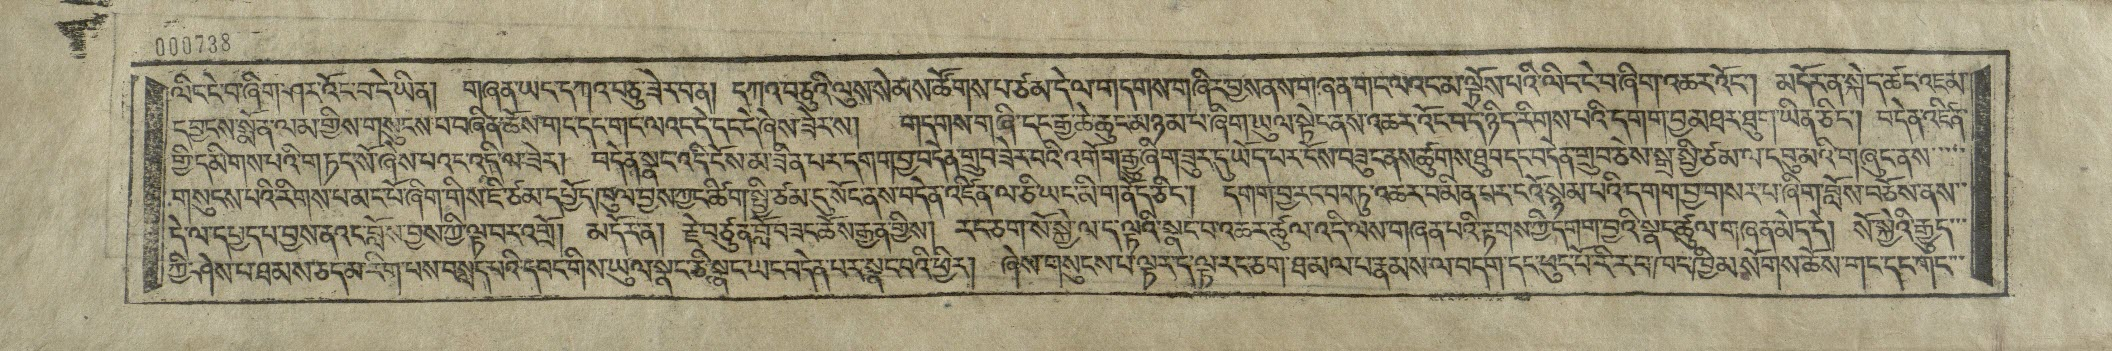ལིང་ངེ་བ་ཞིག་ཤར་འོང་བ་དེ་ཡིན། གཞན་ཡང་དཀའ་བཅུ་ཟེར་བ་ན། དཀའ་བཅུའི་ལུས་སེམས་ཚོགས་པ་ཙམ་དེ་ལ་གདགས་གཞིར་བྱས་ནས་གཞན་གང་ལའང་མ་ལྟོས་པའི་ལིང་ངེ་བ་ཞིག་འཆར་འོང་། མདོར་ན་སྐེད་ཚང་འཇམ་
དབྱངས་སྨོན་ལམ་གྱིས་གསུངས་པ་བཞིན་ཆོས་གང་དང་གང་ལའང་དེ་དང་དེ་ཞེས་ཟེར་ས། གདགས་གཞི་དང་རྒྱ་ཆེ་ཆུང་མཉམ་པ་ཞིག་ཡུལ་སྟེང་ནས་འཆར་འོང་བ་དེ་ཉིད་རིགས་པའི་དགག་བྱ་མཐར་ཐུག་ཡིན་ཅིང་། བདེན་འཛིན་
གྱི་དམིགས་པའི་གཏད་སོ་ཞེས་པའང་འདི་ལ་ཟེར། བདེན་སྣང་འདི་ངོས་མ་ཟིན་པར་དགག་བྱ་བདེན་གྲུབ་ཟེར་བའི་འགོག་རྒྱུ་ཞིག་ཟུར་དུ་ཡོད་པར་ངོས་བཟུང་ནས་ཚུགས་ཐུབ་དང་བདེན་གྲུབ་ཅེས་སྒྲ་སྤྱི་ཙམ་ལ་དབུ་མའི་གཞུང་ནས་
གསུངས་པའི་རིགས་པ་མང་པོ་ཞིག་གིས་ཇི་ཙམ་དཔྱོད་ཁུལ་བྱས་ཀྱང་ཚིག་སྤྱི་ཙམ་དུ་སོང་ནས་བདེན་འཛིན་ལ་ཅི་ཡང་མི་གནོད་ཅིང་། དགག་བྱ་རང་བབ་ཏུ་འཆར་བ་མིན་པར་ངའོ་སྙམ་པའི་དགག་བྱ་གསར་པ་ཞིག་བློས་བཅོས་ནས་
དེ་ལ་དཔྱད་པ་བྱས་ནའང་བློས་བྱས་ཀྱི་ལྟ་བར་འགྲོ། མདོར་ན། རྗེ་བཙུན་བློ་བཟང་ཆོས་རྒྱན་གྱིས། རང་ཅག་སོ་སྐྱེ་ལ་ད་ལྟའི་སྣང་བ་འཆར་ཚུལ་འདི་ལས་གཞན་པའི་རྟགས་ཀྱི་དགག་བྱའི་སྣང་ཚུལ་གཞན་མེད་དེ། སོ་སྐྱེའི་རྒྱུད་
ཀྱི་ཤེས་པ་ཐམས་ཅད་མ་རིག་པས་བསླད་པའི་དབང་གིས་ཡུལ་སྣང་ཅི་སྣང་ཡང་བདེན་པར་སྣང་བའི་ཕྱིར། ཞེས་གསུངས་པ་ལྟར་དེ་ལྟ་རང་ཅག་ཐ་མལ་པ་རྣམས་ལ་བདག་དང་ཕུང་པོ་རི་ར་བ་ཁང་ཁྱིམ་སོགས་ཆོས་གང་དང་གང་